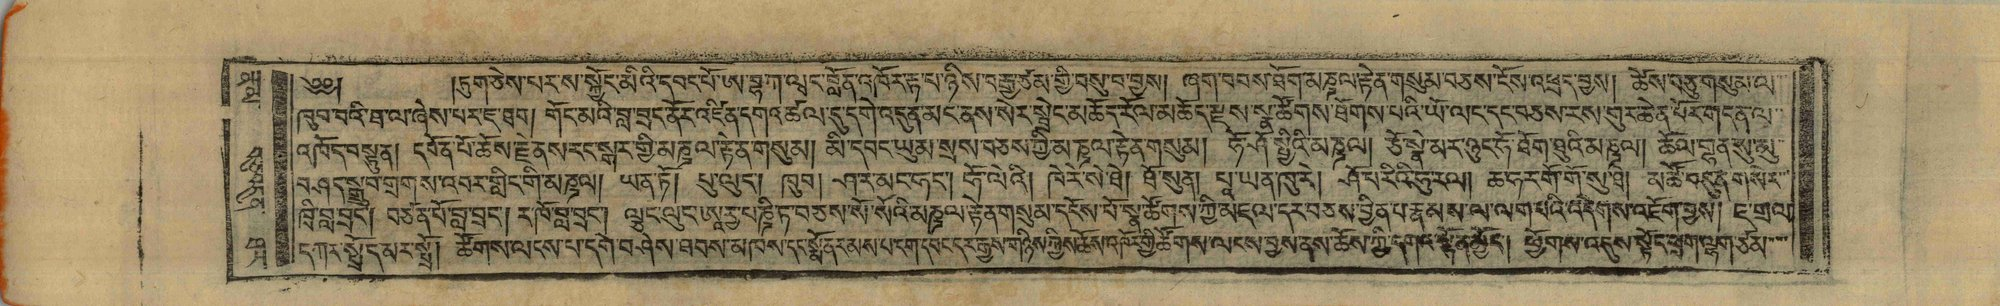༄༅། །ཏུག་ཅེས་པར་ས་སྐྱོང་མིའི་དབང་པོ་ཨ་བྷ་ཀ་ཝང་བློན་འཁོར་རྟ་པ་ཉིས་བརྒྱ་ཙམ་གྱི་བསུ་བ་བྱས། ཞག་བབས་ཐོག་མཎྜལ་རྟེན་གསུམ་བཅས་ངོས་འཕྲད་བྱས། ཚེས་བཅུ་གསུམ་ལ་
ཁུབ་པའི་ཐ་ལ་ཞེས་པར་ཇ་ཐབ། གོང་མའི་བླ་བྲང་ནོར་འཛིན་དགའ་ཚལ་དུ་དགེ་འདུན་མང་ནས་སེར་སྦྲེང་མཆོད་རོལ་མཆོད་རྫས་སྣ་ཚོགས་ཐོགས་པའི་ཡོ་ལང་དང་བཅས་རས་གུར་ཆེན་པོར་གདན་ལ་
འཁོད་བསྟུན། དབོན་པོ་ཆོས་རྗེ་ནས་རང་སྒར་གྱི་མཎྜལ་རྟེན་གསུམ། མི་དབང་ཡུམ་སྲས་བཅས་ཀྱི་མཎྜལ་རྟེན་གསུམ། ཧོ་ཤོ་སྤྱིའི་མཎྜལ། ཅོ་སྣེ་མར་ཉུང་ཧོ་ཐོག་ཐུའི་མཎྜལ། ཆོལ་གྷན་སུ་མུ་
བཤད་སྒྲུབ་གྲགས་འབར་གླིང་གི་མཎྜལ། ཡན་ཏོ། པུ་ལུང་། ཁུབ། ཤ་ར་མང་ཧང་། ཧོ་ལེའི། ཁེ་རེ་སེ་ཐེ། ཐོ་སུན། པཱ་ཡན་ཁུ་རེ། ཤོ་པ་རིའི་ཧུ་རལ། ཆ་ཧར་གོ་གོ་སུ་ཐེ། མཚོ་བདུན་གསེར་
ཁྲི་བླ་བྲང་། བཙན་པོ་བླ་བྲང་། ར་ཁོ་བླ་བྲང་། ལྕང་ལུང་ཨཱརྱ་པཎྜི་ཏ་བཅས་སོ་སོའི་མཎྜལ་རྟེན་གསུམ་དངོས་པོ་སྣ་ཚོགས་ཀྱི་མཇལ་དར་བཅས་བྱིན་པ་རྣམས་ལ་ལག་པའི་འདེགས་འཇོག་བྱས། ཇ་གྲལ་
དཀར་སྤྲོད་མར་སྤྲོ། ཚོགས་ལངས་པ་དགེ་བཤེས་ཐབས་མཁས་དང་སྨོན་རམས་པ་ངག་དབང་དར་རྒྱས་གཉིས་ཀྱིས་ཆོས་འཁོར་གྱི་ཚོགས་ལངས་བྱས་ནས་ཆོས་ཀྱི་དགའ་སྟོན་མྱོང་། ཕྱོགས་འདུས་སྟོང་ཕྲག་ལྷག་ཙམ་